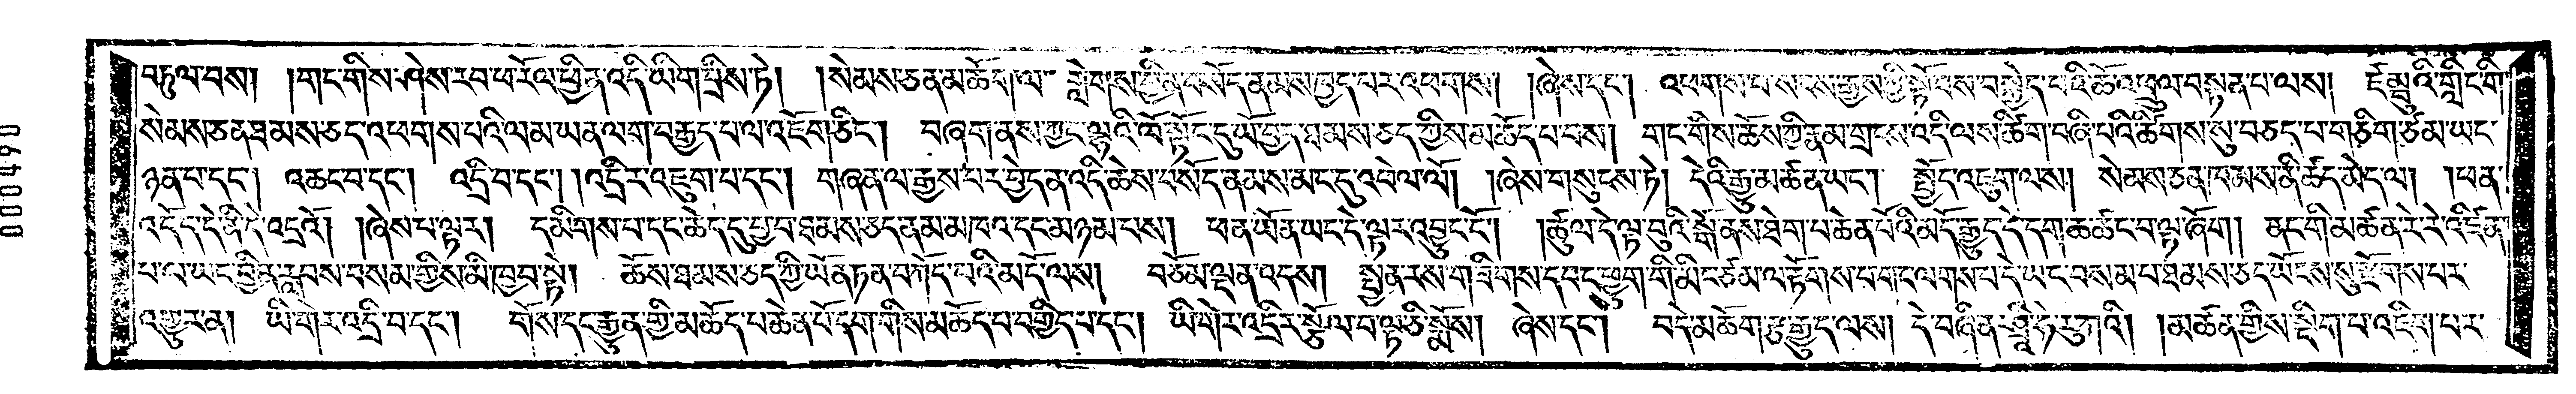བཏུལ་བས། །གང་གིས་ཤེས་རབ་ཕ་རོལ་ཕྱིན་འདི་ཡིག་བྲིས་ཏེ། །སེམས་ཅན་མཆོག་ལ་གླེགས་བྱིན་བསོད་ནམས་ཁྱད་པར་འཕགས། །ཞེས་དང་། འཕགས་པ་སངས་རྒྱས་ཀྱི་སྟོབས་བསྐྱེད་པའི་ཆོ་འཕྲུལ་བསྟན་པ་ལས། ཛམྦུའི་གླིང་གི་
སེམས་ཅན་ཐམས་ཅད་འཕགས་པའི་ལམ་ཡན་ལག་བརྒྱད་པ་ལ་འཇོག་ཅིང་། བཞག་ནས་ཀྱང་ལྷའི་ལོ་སྟོང་དུ་ཡོ་བྱད་ཐམས་ཅད་ཀྱིས་མཆོད་པ་བས། གང་གིས་ཆོས་ཀྱི་རྣམ་གྲངས་འདི་ལས་ཚིག་བཞི་པའི་ཚིགས་སུ་བཅད་པ་གཅིག་ཙམ་ཡང་
ཉན་པ་དང་། འཆང་བ་དང་། འདྲི་བ་དང་། །འདྲིར་འཇུག་པ་དང་། གཞན་ལ་རྒྱས་པར་བྱེད་ན་འདི་ཆེས་བསོད་ནམས་མང་དུ་འཕེལ་ལོ། །ཞེས་གསུངས་ཏེ། དེའི་རྒྱུ་མཚན་ཡང་། སྤྱོད་འཇུག་ལས། སེམས་ཅན་ཁམས་ནི་ཚད་མེད་ལ། །ཕན་
འདོད་དེ་ནི་དེ་འདྲའོ། །ཞེས་པ་ལྟར། དམིགས་པ་དང་ཆེད་དུ་བྱ་བ་ཐམས་ཅད་ནམ་མཁའ་དང་མཉམ་པས། ཕན་ཡོན་ཡང་དེ་ལྟར་འབྱུང་ངོ། །ཚུལ་དེ་ལྟ་བུའི་སྒོ་ནས་ཐེག་པ་ཆེན་པོའི་མདོ་རྒྱུད་དེ་དག་ཆ་ཚང་བ་ལྟ་ཞོག། ནང་གི་མཚན་རེ་རེ་འཛིན་
པ་ལ་ཡང་བྱིན་རླབས་བསམ་གྱིས་མི་ཁྱབ་སྟེ། ཆོས་ཐམས་ཅད་ཀྱི་ཡོན་ཏན་བཀོད་པའི་མདོ་ལས། བཅོམ་ལྡན་འདས། སྤྱན་རས་གཟིགས་དབང་ཕྱུག་གི་མིང་ཙམ་ལ་རྟོགས་པ་གང་ལགས་པ་དེ་ཡང་བསམ་པ་ཐམས་ཅད་ཡོངས་སུ་རྫོགས་པར་
འགྱུར་ན། ཡི་གེར་འདྲི་བ་དང་། གོས་དང་རྒྱུན་གྱི་མཆོད་པ་ཆེན་པོ་དག་གིས་མཆོད་པ་བགྱིད་པ་དང་། ཡི་གེར་འདྲིར་སྩོལ་བ་ལྟ་ཅི་སྨོས། ཞེས་དང་། བདེ་མཆོག་རྩ་རྒྱུད་ལས། དེ་བཞིན་ཤྲཱི་ཧེ་རུ་ཀའི། །མཚན་གྱིས་སྡིག་པ་འཇིག་པར་